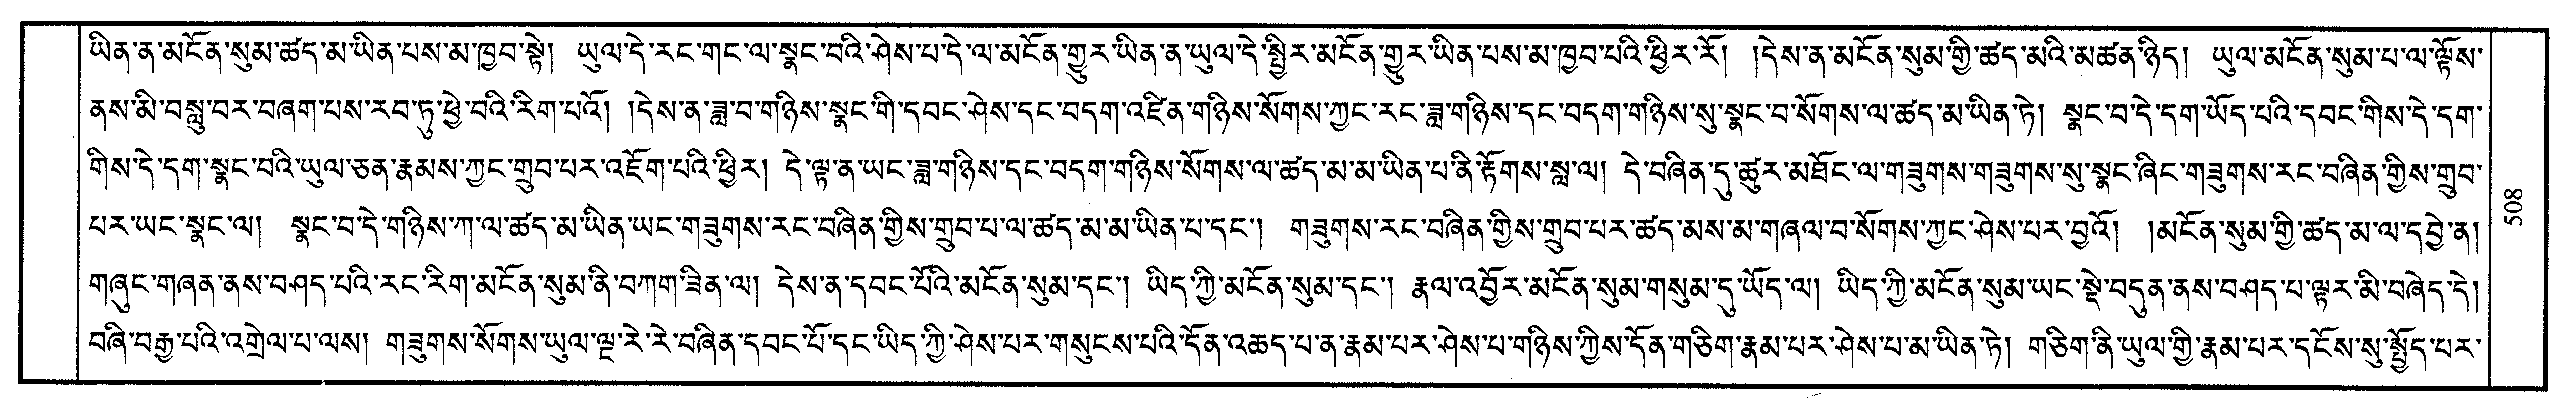ཡིན་ན་མངོན་སུམ་ཚད་མ་ཡིན་པས་མ་ཁྱབ་སྟེ། ཡུལ་དེ་རང་གང་ལ་སྣང་བའི་ཤེས་པ་དེ་ལ་མངོན་གྱུར་ཡིན་ན་ཡུལ་དེ་སྤྱིར་མངོན་གྱུར་ཡིན་པས་མ་ཁྱབ་པའི་ཕྱིར་རོ། །དེས་ན་མངོན་སུམ་གྱི་ཚད་མའི་མཚན་ཉིད། ཡུལ་མངོན་སུམ་པ་ལ་ལྟོས་
ནས་མི་བསླུ་བར་བཞག་པས་རབ་ཏུ་ཕྱེ་བའི་རིག་པའོ། །དེས་ན་ཟླ་བ་གཉིས་སྣང་གི་དབང་ཤེས་དང་བདག་འཛིན་གཉིས་སོགས་ཀྱང་རང་ཟླ་གཉིས་དང་བདག་གཉིས་སུ་སྣང་བ་སོགས་ལ་ཚད་མ་ཡིན་ཏེ། སྣང་བ་དེ་དག་ཡོད་པའི་དབང་གིས་དེ་དག་
གིས་དེ་དག་སྣང་བའི་ཡུལ་ཅན་རྣམས་ཀྱང་གྲུབ་པར་འཇོག་པའི་ཕྱིར། དེ་ལྟ་ན་ཡང་ཟླ་གཉིས་དང་བདག་གཉིས་སོགས་ལ་ཚད་མ་མ་ཡིན་པ་ནི་རྟོགས་སླ་ལ། དེ་བཞིན་དུ་ཚུར་མཐོང་ལ་གཟུགས་གཟུགས་སུ་སྣང་ཞིང་གཟུགས་རང་བཞིན་གྱིས་གྲུབ་
པར་ཡང་སྣང་ལ། སྣང་བ་དེ་གཉིས་ཀ་ལ་ཚད་མ་ཡིན་ཡང་གཟུགས་རང་བཞིན་གྱིས་གྲུབ་པ་ལ་ཚད་མ་མ་ཡིན་པ་དང་། གཟུགས་རང་བཞིན་གྱིས་གྲུབ་པར་ཚད་མས་མ་གཞལ་བ་སོགས་ཀྱང་ཤེས་པར་བྱའོ། །མངོན་སུམ་གྱི་ཚད་མ་ལ་དབྱེ་ན།
གཞུང་གཞན་ནས་བཤད་པའི་རང་རིག་མངོན་སུམ་ནི་བཀག་ཟིན་ལ། དེས་ན་དབང་པོའི་མངོན་སུམ་དང་། ཡིད་ཀྱི་མངོན་སུམ་དང་། རྣལ་འབྱོར་མངོན་སུམ་གསུམ་དུ་ཡོད་ལ། ཡིད་ཀྱི་མངོན་སུམ་ཡང་སྡེ་བདུན་ནས་བཤད་པ་ལྟར་མི་བཞེད་དེ།
བཞི་བརྒྱ་པའི་འགྲེལ་པ་ལས། གཟུགས་སོགས་ཡུལ་ལྔ་རེ་རེ་བཞིན་དབང་པོ་དང་ཡིད་ཀྱི་ཤེས་པར་གསུངས་པའི་དོན་འཆད་པ་ན་རྣམ་པར་ཤེས་པ་གཉིས་ཀྱིས་དོན་གཅིག་རྣམ་པར་ཤེས་པ་མ་ཡིན་ཏེ། གཅིག་ནི་ཡུལ་གྱི་རྣམ་པར་དངོས་སྤྱོད་པར་